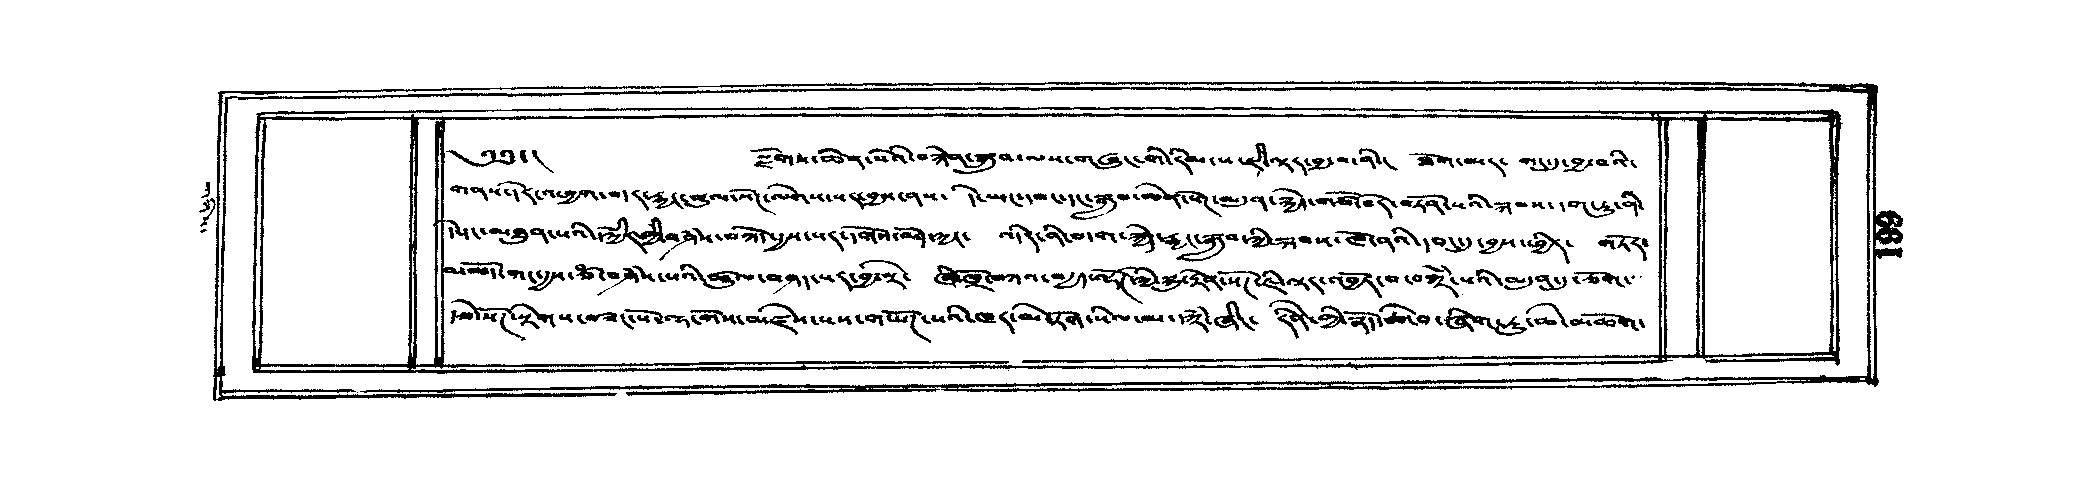རྫོགས་ཆེན་པོའི་བསྙེན་སྒྲུབ་ལས་གཞུང་གི་རིམ་པ་ཇི་ལྟར་བྱ་བ་ནི། ཐོག་མར། གང་དུ་བྱ་བའི་
གནས་དེར་ཕྱག་བདར་རྐྱང་ནུལ་སོགས་ལེགས་པར་བྱས་ནས། དེ་ནས་དབང་དང་སྒྲུབ་ཆེན་སོགས་མདུན་བསྐྱེད་གཙོ་བོར་བཏོན་པའི་སྐབས་དག་ཏུ་ནི། 
དེ་དང་མཐུན་པའི་དཀྱིལ་འཁོར་གྱི་བཤམས་བཀོད་རྒྱས་པར་དགོས་མོད་ཀྱང་། འདིར་ནི་བདག་བསྐྱེད་རྐྱང་སྒྲུབ་ཀྱི་སྐབས་ཁོ་ནའི་དབང་དུ་བྱས་ཕྱིར། གཏོར་
མཆོད་གང་རྒྱས་ཙམ་བཤམས་པའི་ཚུལ་བཤད་པར་བྱ་སྟེ། ཞི་ཁྲོ་བཀའ་བརྒྱད་ལྷ་ཚོགས་ཀྱི་སྐུ་རྟེན་སོགས་ཇི་ལྟར་འབྱོར་བ་བཀྲམ་པའི་མདུན་དུ་ཅོག་
རྩེ་སོགས་སྟེགས་བཟང་པོ་ལྷ་གོས་མཛེས་པས་གཡོགས་པའི་ཁར་མེ་ཏོག་སིལ་མ་དཀྲམ་ཞིང་། རིན་ཆེན་གྱི་སྣོད་ཆེ་བ་ཞིག་ཏུ་ཆེ་མཆོག་